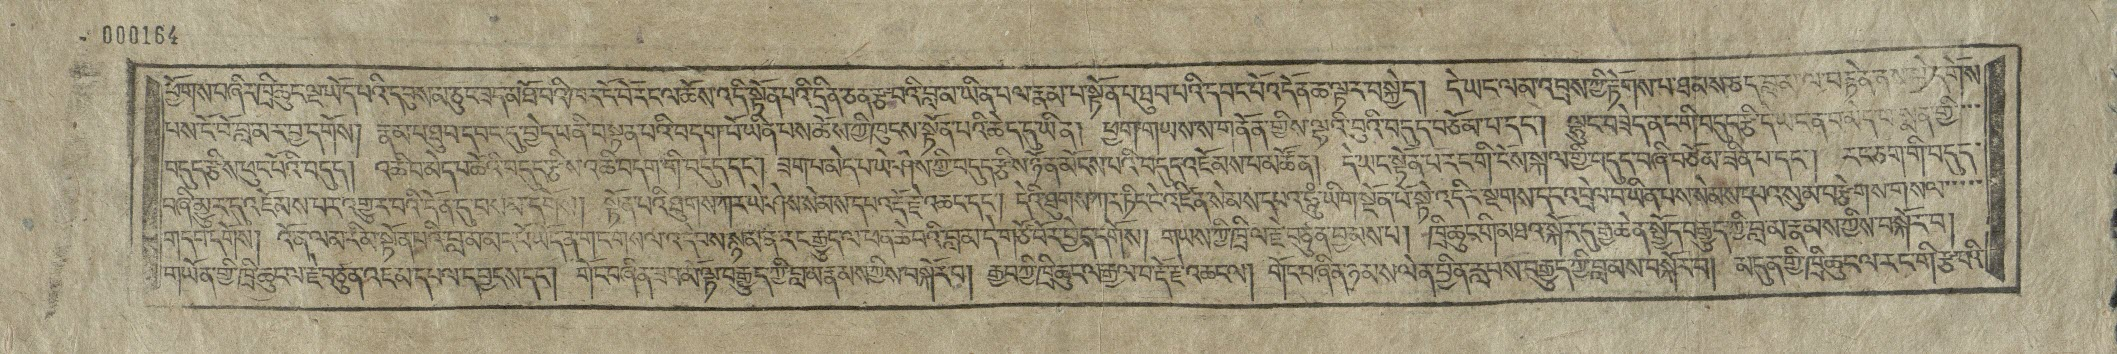ཕྱོགས་བཞིར་ཁྲི་ཆུང་ལྔ་ཡོད་པའི་དབུས་མ་ཅུང་ཟད་མཐོ་བའི་ཁར་ངོ་བོ་རང་ལ་ཆོས་འདི་སྟོན་པའི་དྲིན་ཅན་རྩ་བའི་བླ་མ་ཡིན་པ་ལ་རྣམ་པ་སྟོན་པ་ཐུབ་པའི་དབང་པོ་འདོན་ཆ་ལྟར་བསྐྱེད། དེ་ཡང་ལམ་འབྲས་ཀྱི་རྟོགས་པ་ཐམས་ཅད་བླ་མ་ལ་བརྟེན་ནས་སྐྱེ་དགོས་
པས་ངོ་བོ་བླ་མར་བྱ་དགོས། རྣམ་པ་ཐུབ་དབང་དུ་བྱེད་པ་ནི་བསྟན་པའི་བདག་པོ་ཡིན་པས་ཆོས་ཀྱི་ཁུངས་སྟོན་པའི་ཆེད་དུ་ཡིན། ཕྱག་གཡས་ས་གནོན་གྱིས་ལྷའི་བུའི་བདུད་བཅོམ་པ་དང་། ལྷུང་བཟེད་ནང་གི་བདུད་རྩི་དེ་ཡང་ན་བ་མེད་པ་སྨན་གྱི་
བདུད་རྩིས་ཕུང་པོའི་བདུད། འཆི་བ་མེད་པ་ཚེའི་བདུད་རྩིས་འཆི་བདག་གི་བདུད་དང་། ཟག་པ་མེད་པ་ཡེ་ཤེས་ཀྱི་བདུད་རྩིས་ཉོན་མོངས་པའི་བདུད་འཇོམས་པ་མཚོན། དེ་ཡང་སྟོན་པ་རང་གི་ངོས་སྐལ་གྱི་བདུད་བཞི་བཅོམ་ཟིན་པ་དང་། རང་ཅག་གི་བདུད་
བཞི་མྱུར་དུ་འཇོམས་པར་འགྱུར་བའི་དོན་དུ་བསམ་དགོས། སྟོན་པའི་ཐུགས་ཀར་ཡེ་ཤེས་སེམས་དཔའ་རྡོ་རྗེ་འཆང་དང་། དེའི་ཐུགས་ཀར་ཏིང་ངེ་འཛིན་སེམས་དཔའ་ཧུའཾ་ཡིག་སྔོན་པོ་སྟེ་འདིར་སྔགས་དང་འབྲེལ་བ་ཡིན་པས་སེམས་དཔའ་སུམ་བརྩེགས་གསལ་
གདབ་དགོས། འོ་ན་ལམ་རིམ་སྟོན་པའི་བླ་མ་མང་པོ་ཡོད་ན་གང་གསལ་འདེབས་སྙམ་ན་རང་རྒྱུད་ལ་ཕན་ཆེ་བའི་བླ་མ་དེ་གཙོ་བོར་བྱེད་དགོས། གཡས་ཀྱི་ཁྲི་ལ་རྗེ་བཙུན་བྱམས་པ། ཁྲི་ཆུང་གི་མཐའ་སྐོར་དུ་རྒྱ་ཆེན་སྤྱོད་བརྒྱུད་ཀྱི་བླ་མ་རྣམས་ཀྱིས་བསྐོར་བ།
གཡོན་གྱི་ཁྲི་ཆུང་ལ་རྗེ་བཙུན་འཇམ་དཔལ་དབྱངས་དང་། གོང་བཞིན་ཟབ་མོ་ལྟ་བརྒྱུད་ཀྱི་བླ་མ་རྣམས་ཀྱིས་བསྐོར་བ། རྒྱབ་ཀྱི་ཁྲི་ཆུང་ལ་རྒྱལ་བ་རྡོ་རྗེ་འཆང་ལ། གོང་བཞིན་ཉམས་ལེན་བྱིན་རླབས་བརྒྱུད་ཀྱི་བླ་མས་བསྐོར་བ། མདུན་གྱི་ཁྲི་ཆུང་ལ་རང་གི་རྩ་བའི་